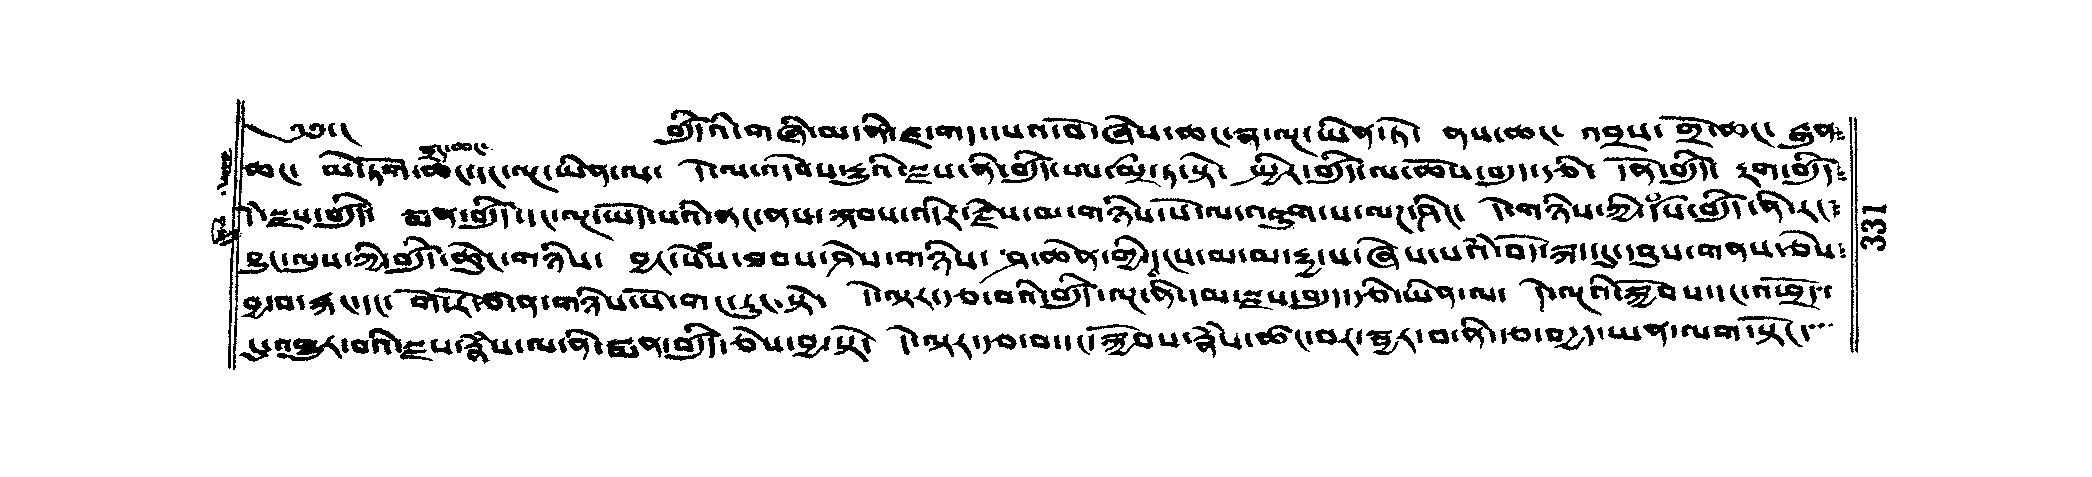བདུད་རྩིར་གཞི་མ་ནི་ཛ་གད་དཔའ་བོ་ཞེས་ཆང་སྣ་ལྔ་ཡིན་ཏེ། ནས་ཆང་། འབྲས། གྲོ་ཆང་། རྒུན་
ཆང་། མེོ་ཏོག་སྦྲང་ཆང་དང་ལྔ་ཡིན་ལ། དེ་ལ་འདེབས་རྒྱུའི་རྫས་ནི་བདུད་རྩི་ཨམྲྀ་ཏ་སྟེ། སྤྱིར་བདུད་རྩི་ལ་ཆོས་བདུད་རྩི། དོན་བདུད་རྩི། རྟག་བདུད་རྩི། 
དམ་རྫས་བདུད་རྩི། སྨན་བདུད་རྩི་དང་ལྔ་ཡོད་པའི་ནང་ནས་སྐབས་འདིར་རྗེས་མ་གཉིས་པོ་ལ་འཇུག་པ་ལགས་ཤིང་། དེ་གཉིས་ཀྱི་དམ་རྫས་བདུད་རྩི་ནི་རང་
བྱུང་ལུས་ཀྱི་བདུད་རྩི་ཆེ་ཆུང་གཉིས། བྱང་སེམས་ཐབས་ཤེས་གཉིས། ཤ་ཆེན་གྱི་དྭངས་མ་མ་དྷྱ་པ་ཞེས་པའམ་བོད་སྐད་དུ་དབུས་གནས་ཅེས་
བྱ་བ་རྐང་དང་། གོ་རོ་ཙ་ནགཉིས་པོ་གང་རུང་སྟེ། དེ་ལྟར་རྩ་བའི་བདུད་རྩི་ལྔ་ནི་དམ་རྫས་བདུད་རྩི་ཡིན་ལ། དེ་ལྔའི་སྐྱོབས་དང་འཕྲོས་
དུ་འགྱུར་བའི་རྫས་རྣམས་ལ་ནི་སྨན་བདུད་རྩི་ཞེས་བྱ་བ་སྟེ། དེ་ལྟར་རྩ་བ་དང་སྐྱོབས་རྣམས་ཚང་བར་སྦྱར་བ་ནི་རྩ་བ་བརྒྱད་ཡན་ལག་སྟོང་